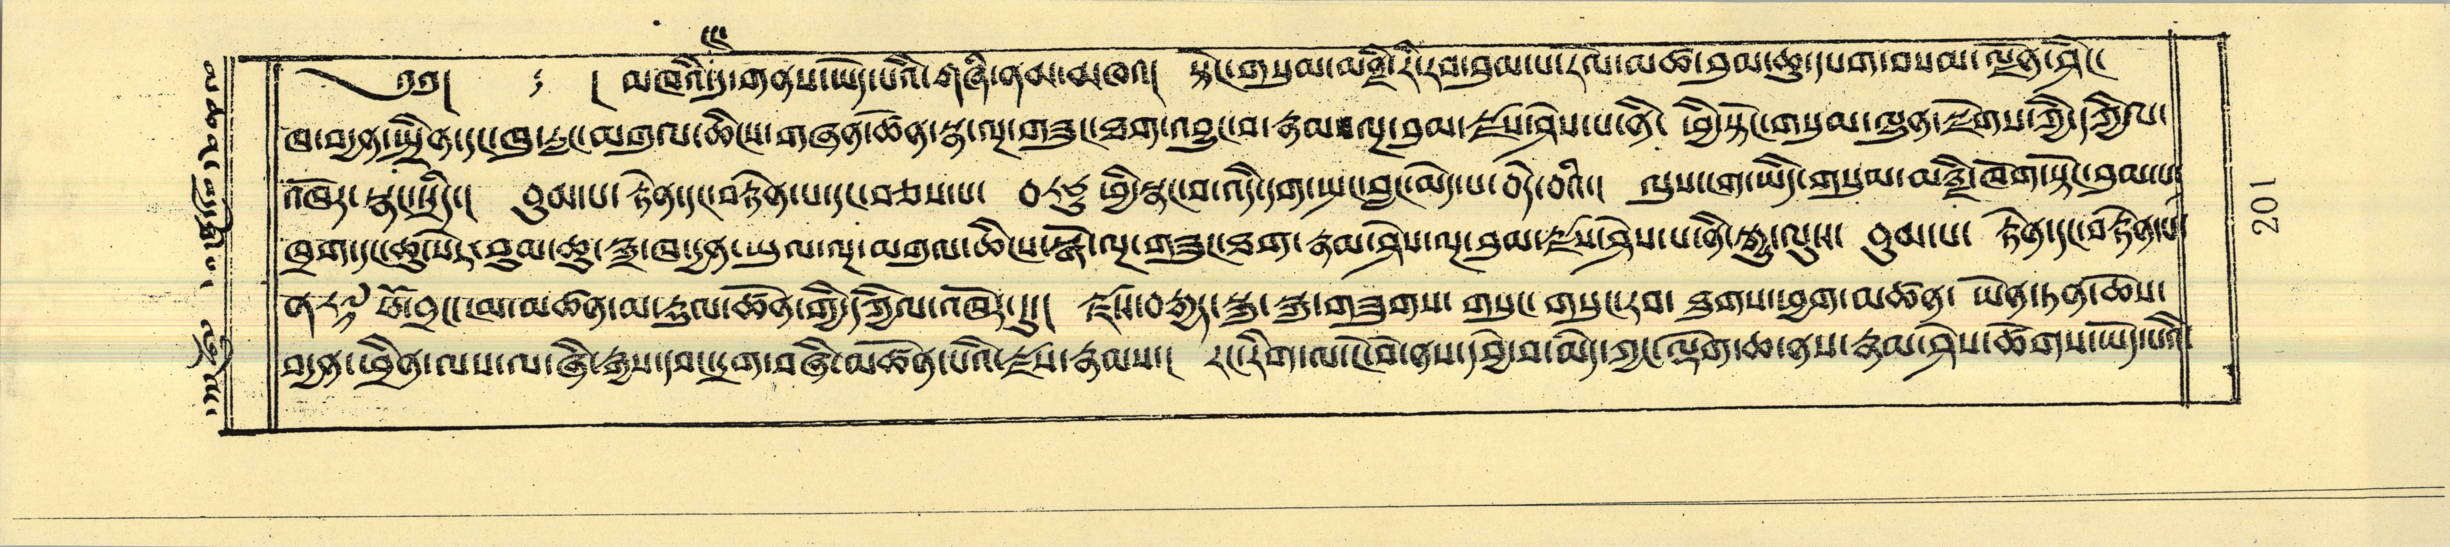མཁའི་ངང་དུ་གནས་ཡོད་པའི་༼གཞི་ནམ་མཁའ། ༽སྟོང་གསུམ་མནྗི་རི་རབ་བུམ་པ་རོལ་མཚོ་བུམ་ཆུ་དཔག་བསམ་ལྗོན་ཤིང་
ཁ་བརྒྱན་སྤྲིན་དང་ཁུ་རླང་མགུལ་ཆིངས་གཞན་ཚོན་སྣ་ལྔ་གཟུང་ཐག་འབྱུང་བ་རྣམ་ལྔ་བུམ་རྫས་ཤེས་པ་ནི། ཕྱི་སྟོང་གསུམ་ལྷུན་སྫོགས་ཀྱི་དཀྱིལ་
འཁོར་༼སྣང་སྲིད།༽༼བུམ་པ་༽རྟེན་དང་བརྟེན་པ་དང་བཅས་པ། བ༨༦།༦ ཕྱི་སྣང་བ་འདི་དག་སྤང་བླང་མེད་པ་༼བདེ་བའི་༽ལུས་ངག་ཡིད་གསུམ་མཉྗི་ཁོག་སྟོང་བུམ་པ་
ཁྲག་དང་ཆུ་སེར་བུམ་ཆུང་སྐྲ་ཁ་རྒྱན་ཡུལ་ལྔ་མགུལ་ཆིངས་སྒོ་ལྔ་གཟུང་ཐག་རྣམ་ཤེས་ལྔ་བུམ་རྫས་ཤེས་པ་ནི་༼སྒྱུ་ལུས་༽༼བུམ་པ་༽རྟེན་དང་བརྟེན་པ་
ན༨༧།༡ ༼ཕོ་བྲང་༽ངམ་མཚན་མ་རྡུལ་ཚོན་གྱི་དཀྱིལ་འཁོར་དུ། ༼རྫས་བརྒྱད་༽སྐུ་སྐུ་གཟུགས། གསུང་གསུང་རབ། ཐུགས་ཕྱག་མཚན། ཡོན་ཏན་ཆོས་
བརྒྱན་ཕྲིན་ལས་ལ་ཞི་རྒྱས་དབང་དྲག་བཞི་མཚོན་པའི་རྫས་རྣམས། རང་རིག་ལ་ངོ་བོ་ནས་དབྱེ་བ་མེད་ཀྱང་ལྡོག་ཆ་ནས་རྣམ་ཤེས་ཚོགས་ཡོད་པའི་